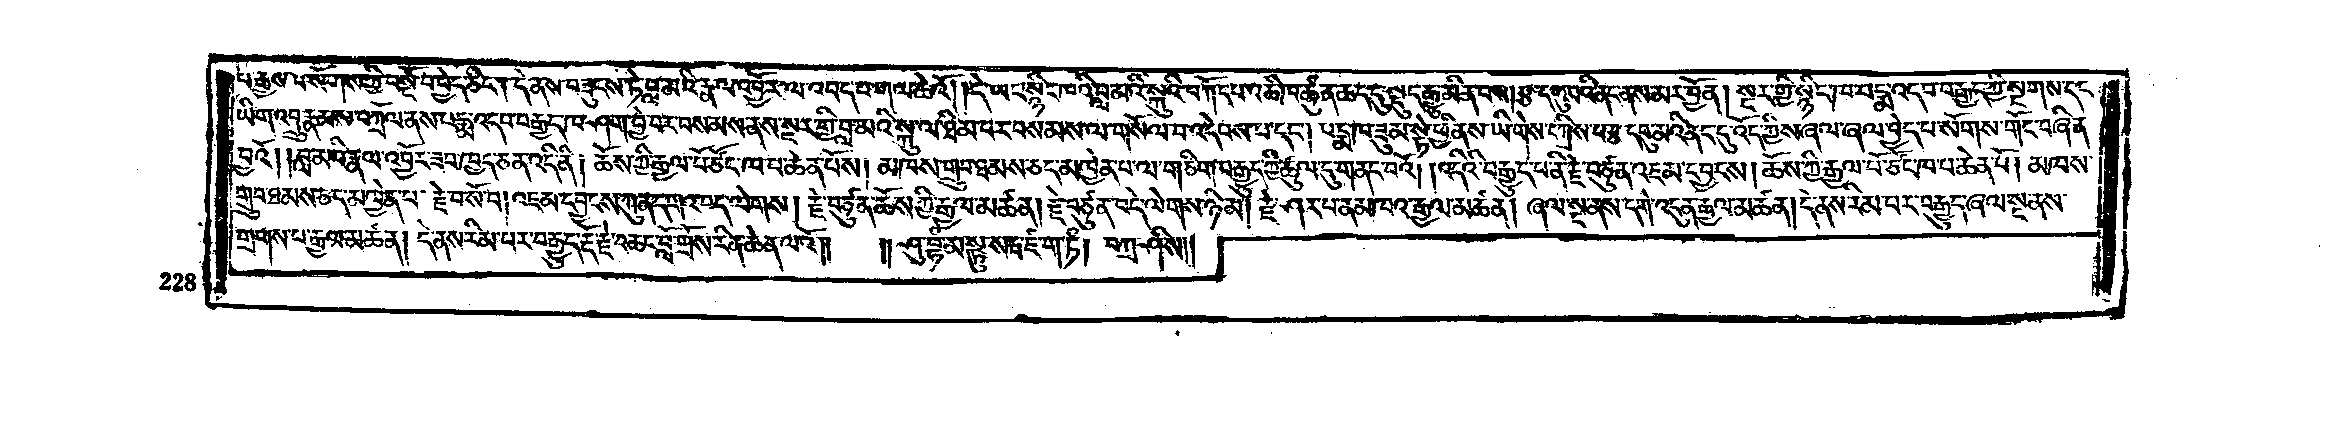པ་རྒྱས་པ་སོགས་ཀྱི་བསྔོ་བ་བྱེད་ཅིང་། དེ་ནས་བཟུངས་ཏེ་བླ་མའི་རྣལ་འབྱོར་ལ་འབད་པ་གལ་ཆེའོ། །དེ་ཡང་སྙིང་ཁའི་བླ་མའི་སྐུའི་བཀོད་པ་འཆི་ཁ་ཚུན་ཆད་དུ་སྡུད་རྒྱུ་མིན་པས། རྩ་དགུ་བའི་ནང་ནས་མར་བྱོན། སྔར་གྱི་སྙིང་ཁ་པདམ་འདབ་བརྒྱད་ཀྱི་སྔགས་དང་
ཡིག་འབྲུ་རྣམས་བཀྲོལ་ནས་པདམ་འདབ་བརྒྱད་ཁ་ཤག་བྱེ་བར་བསམས་ནས་སྔར་གྱི་བླ་མའི་སྐུ་ལ་ཐིམ་པར་བསམས་ལ་གསོལ་བ་འདེབས་པ་དང་། པདམ་ཁ་ཟུམ་སྟེ་ཕྱི་ནས་ཡི་གེས་དཀྲིས་པ་རྩ་དབུ་མའི་ནང་དུ་འོད་ཀྱིས་ཞལ་ཞལ་བྱེད་པ་སོགས་གོང་བཞིན་
བྱའོ། །བླ་མའི་རྣལ་འབྱོར་ཟབ་ཁྱད་ཅན་འདི་ནི། ཆོས་ཀྱི་རྒྱལ་པོ་ཙོང་ཁ་པ་ཆེན་པོས། མཁས་གྲུབ་ཐམས་ཅད་མཁྱེན་པ་ལ་གཅིག་བརྒྱུད་ཀྱི་ཚུལ་དུ་གནང་བའོ། །འདིའི་བརྒྱུད་པ་ནི་རྗེ་བཙུན་འཇམ་དབྱངས། ཆོས་ཀྱི་རྒྱལ་པོ་ཙོང་ཁ་པ་ཆེན་པོ། མཁས་
གྲུབ་ཐམས་ཅད་མཁྱེན་པ་རྗེ་བ་སོ་བ། འཇམ་དབྱངས་ཀུན་དགའ་བདེ་ལེགས། རྗེ་བཙུན་ཆོས་ཀྱི་རྒྱལ་མཚན། རྗེ་བཙུན་བདེ་ལེགས་ཉི་མ། རྗེ་ཤར་པ་ནམ་མཁའ་རྒྱལ་མཚན། ཞལ་སྔ་ནས་དགེ་འདུན་རྒྱལ་མཚན། དེ་ནས་རིམ་པར་བརྒྱུད་ཞལ་སྔ་ནས་
གྲགས་པ་རྒྱལ་མཚན། དེ་ནས་རིམ་པར་བརྒྱུད་རྡོ་རྗེ་འཆང་བློ་གྲོས་རིན་ཆེན་ལའོ།། །།ཤུ་བྷཾ་མ་སྟུ་སརྦ་ཛ་ག་ཏཾ། བཀྲ་ཤིས།།